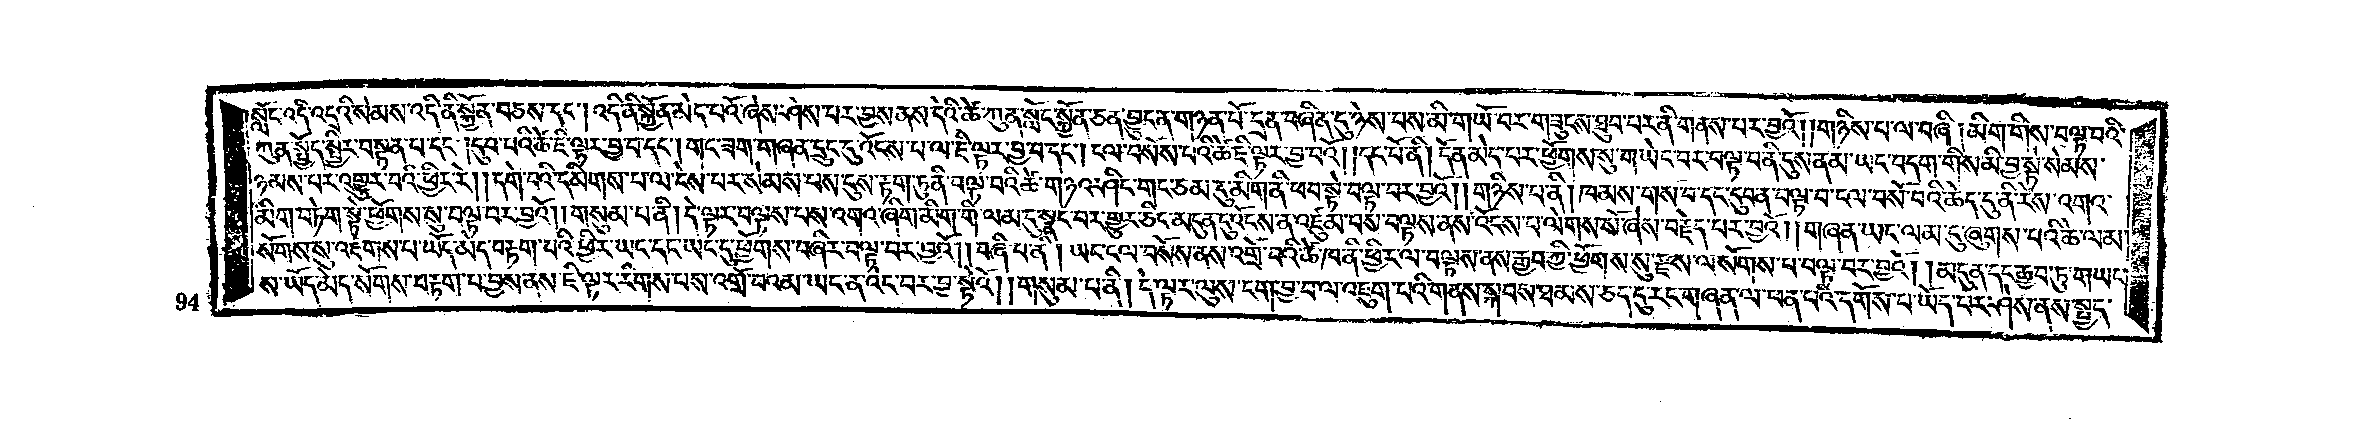སློང་འདི་འདྲའི་སེམས་འདི་ནི་སྐྱོན་བཅས་དང་། འདི་ནི་སྐྱོན་མེད་པའོ་ཞེས་ཤེས་པར་བྱས་ནས་དེའི་ཚེ་ཀུན་སློང་སྐྱོན་ཅན་བྱུང་ན་གཉན་པོ་དྲན་བཞིན་དུ་ཉེས་པས་མི་གཡོ་བར་གཟུངས་ཐུབ་པར་ནི་གནས་པར་བྱའོ། །གཉིས་པ་ལ་བཞི། མིག་གིས་བལྟ་བའི་
ཀུན་སྤྱོད་སྤྱིར་བསྟན་པ་དང་། དུབ་བའི་ཚེ་ཇི་ལྟར་བྱ་བ་དང་། གང་ཟག་གཞན་དྲུང་དུ་འོངས་པ་ལ་ཇི་ལྟར་བྱ་བ་དང་། ངལ་བསོས་པའི་ཚེ་ཇི་ལྟར་བྱ་བའོ། །དང་པོ་ནི། དོན་མེད་པར་ཕྱོགས་སུ་གཡེང་བར་བལྟ་བ་ནི་དུས་ནམ་ཡང་བདག་གིས་མི་བྱ་སྟེ་སེམས་
ཉམས་པར་འགྱུར་བའི་ཕྱིར་རོ། །དགེ་བའི་དམིགས་པ་ལ་ངེས་པར་སེམས་པས་དུས་རྟག་ཏུ་ནི་བལྟ་བའི་ཚེ་གཉའ་ཤིང་གང་ཙམ་དུ་མིག་ནི་ཕབ་སྟེ་བལྟ་བར་བྱའོ། །གཉིས་པ་ནི། ཁམས་གསོ་བ་དང་དུབ་ན་བལྟ་བ་ངལ་བསོ་བའི་ཆེད་དུ་ནི་རེས་འགའ་
མིག་བཏེག་སྟེ་ཕྱོགས་སུ་བལྟ་བར་བྱའོ། །གསུམ་པ་ནི། དེ་ལྟར་བལྟས་པས་འགའ་ཞིག་མིག་གི་ལམ་དུ་སྣང་བར་གྱུར་ཅིང་མདུན་དུ་འོངས་ནས་འཛུམ་པས་བལྟས་ནས་འོངས་བ་ལེགས་སོ་ཞེས་བརྗེད་པར་བྱའོ། །གཞན་ཡང་ལམ་དུ་ཞུགས་པའི་ཚེ་ལམ་
སོགས་སུ་འཇིགས་པ་ཡོད་མེད་བརྟག་པའི་ཕྱིར་ཡང་དང་ཡང་དུ་ཕྱོགས་བཞིར་བལྟ་བར་བྱའོ། །བཞི་པ་ནི། ཡང་ངལ་བསོས་ནས་འགྲོ་བའི་ཚེ་ཁ་ནི་ཕྱིར་ལ་བལྟས་ནས་རྒྱབ་ཀྱི་ཕྱོགས་སུ་རྫས་ལ་སོགས་པ་བལྟ་བར་བྱའོ། །མདུན་དང་རྒྱབ་ཏུ་གཡང་
ས་ཡོད་མེད་སོགས་བརྟག་པ་བྱས་ནས་ཇི་ལྟར་རིགས་པས་འགྲོ་བའམ་ཡང་ན་འང་བར་བྱ་སྟེའོ། །གསུམ་པ་ནི། དེ་ལྟར་ལུས་ངག་བྱ་བ་ལ་འཇུག་པའི་གནས་སྐབས་ཐམས་ཅད་དུ་རང་བཞིན་ལ་ཕན་པའི་དགོས་པ་ཡོད་པར་ཤེས་ནས་སྤྱད་